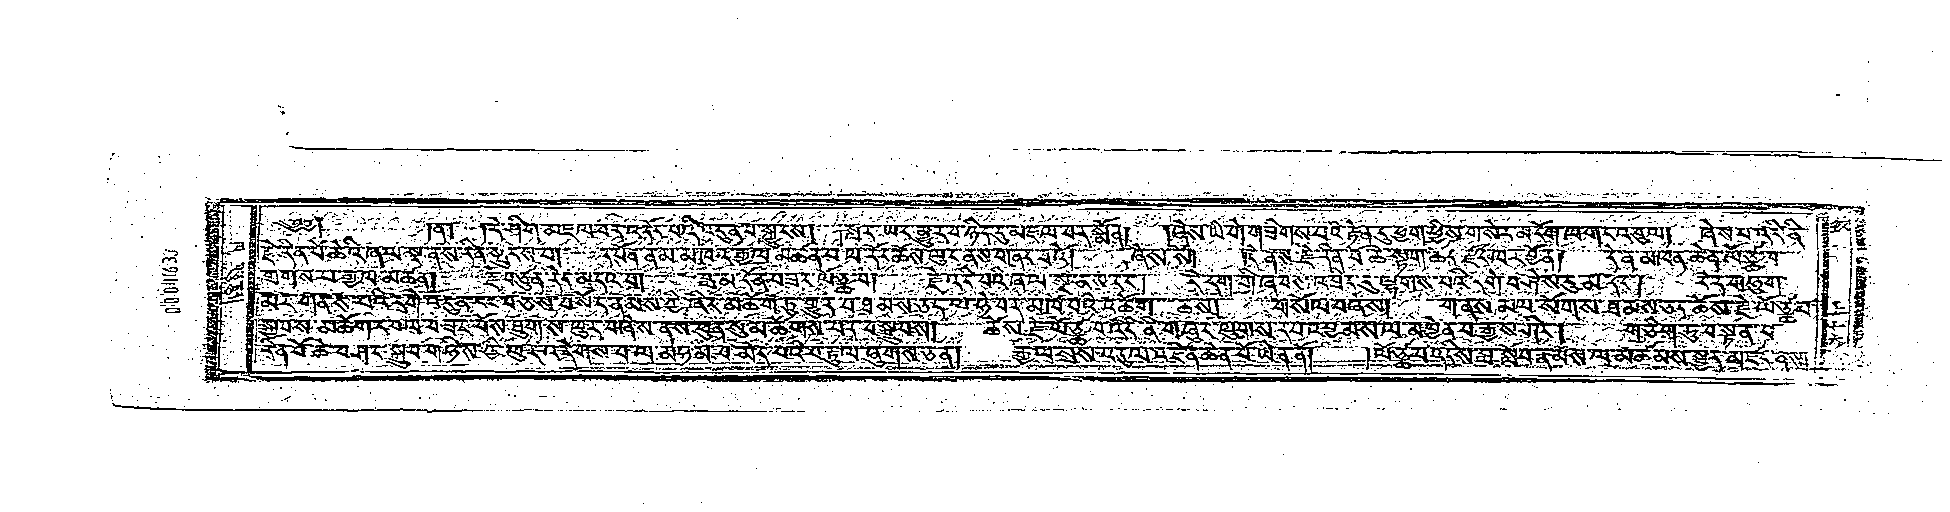༄༅། །ན། །རེ་ཤིག་མཇལ་བར་འདོད་པའི་འདུན་པ་སྐྱུངས། །སླར་ཡང་མྱུར་བ་ཉིད་དུ་མཇལ་བར་སྨོན། །ཞེས་ཡི་གེ་གཟིགས་བའི་རྟེན་དུ་ཕྱག་ཕྱིས་གསེར་མདོག་ཁ་གང་འབུལ། ཞེས་པ་འདི་ནི་
རྗེ་རིན་པོ་ཆེའི་ཞལ་སྔ་ནས་རིན་སྤུངས་བ། དཔོན་ནམ་མཁའ་རྒྱལ་མཚན་པ་ལ་རོང་ཆོས་ལུང་ནས་གནང་བའོ། །ཞེས་སོ། །དེ་ནས་རྗེ་རིན་པོ་ཆེ་སྟག་ཚད་རྫོང་ལར་བྱོན། དེ་ན་མཁན་ཆེན་ལོཙྪ་བ་
གྲགས་པ་རྒྱལ་མཚན། རྗེ་བཙུན་རེད་མདའ་པ། བླ་མ་དོན་བཟང་ལོཙྪ་བ། རྗེ་འདི་བའི་ཞལ་སྔ་ནས་དང་། དེ་དག་གི་ཞབས་འབྲིང་དུ་ལྷགས་པའི་དགེ་བཤེས་དུ་མ་དང་། དེར་གཉུག་
མར་གནས་པའི་དགེ་འདུན་དང་བཅས་བསོད་ནམས་ཀྱི་ཞིང་མཆོག་ཏུ་གྱུར་པ་ཐམས་ཅད་ལ་ཉེ་བར་མཁོ་བའི་འཆོག་ཆས། གསོལ་བཞེས། གནས་མལ་སོགས་ཐམས་ཅད་ཆོས་རྗེ་ལོཙྪ་བ་
སྐྱབས་མཆོག་དཔལ་བཟང་པོས་ཐུགས་ཁུར་བཞེས་ནས་ཕུན་སུམ་ཚོགས་པར་བསྒྲུབས། ཆོས་རྗེ་ལོཙྪ་བ་འདི་ནི་གཞུང་ལུགས་རབ་འབྱམས་ལ་མཁྱེན་པ་རྒྱས་ཤིང་། གཅིག་ཏུ་བསྟན་པ་
རིན་པོ་ཆེ་བཤད་སྒྲུབ་གཉིས་ཀྱི་ཁུར་འདེགས་བ་ལ་མཉམ་བ་མེད་པའི་བརྟུལ་ཞུགས་ཅན། རྒྱལ་སྲས་འདུལ་འཛིན་ཆེན་པོ་ཡིན་ནོ། །ལོཙྪ་བ་འདིས་བླ་སློབ་རྣམས་ལ་མཚམས་སྦྱར་མཛད་ནས་